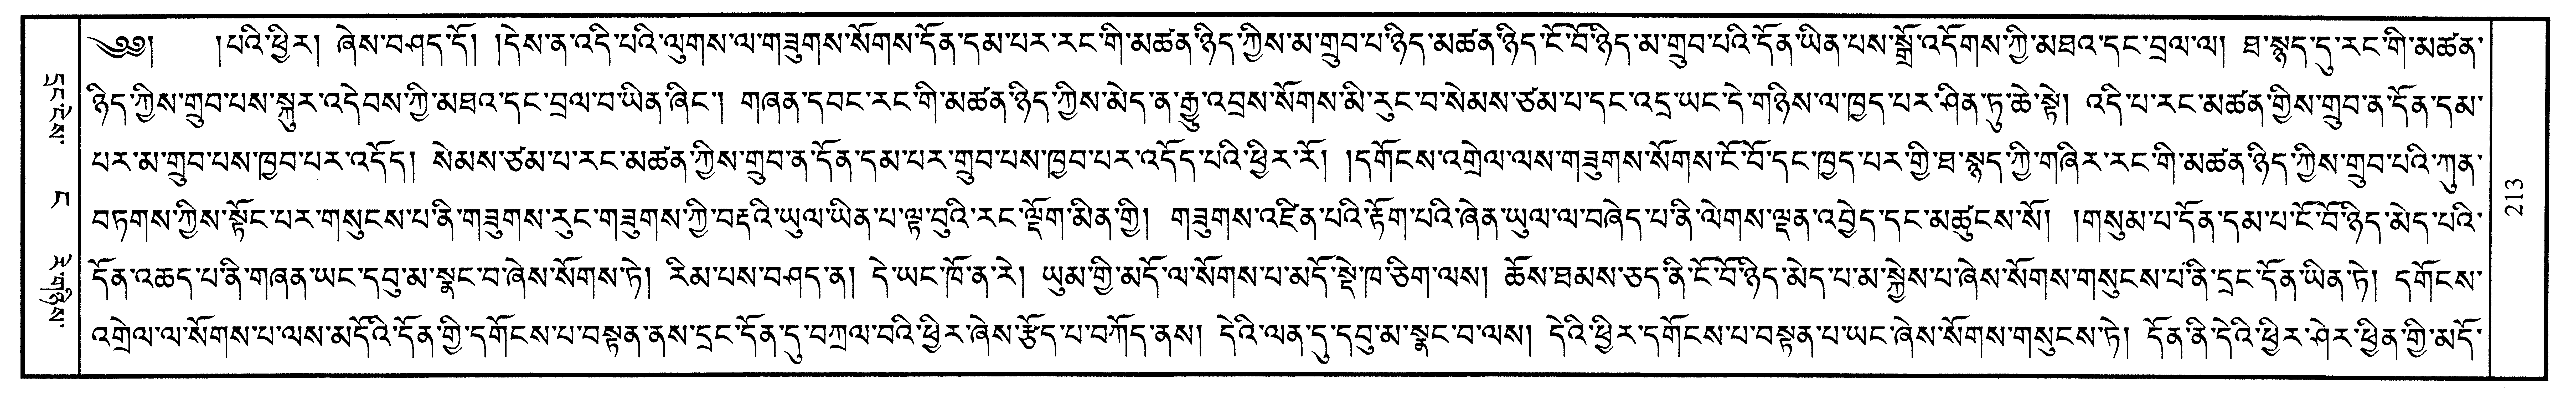༄༅། །པའི་ཕྱིར། ཞེས་བཤད་དོ། །དེས་ན་འདི་པའི་ལུགས་ལ་གཟུགས་སོགས་དོན་དམ་པར་རང་གི་མཚན་ཉིད་ཀྱིས་མ་གྲུབ་པ་ཉིད་མཚན་ཉིད་ངོ་བོ་ཉིད་མ་གྲུབ་པའི་དོན་ཡིན་པས་སྒྲོ་འདོགས་ཀྱི་མཐའ་དང་བྲལ་ལ། ཐ་སྙད་དུ་རང་གི་མཚན་
ཉིད་ཀྱིས་གྲུབ་པས་སྐུར་འདེབས་ཀྱི་མཐའ་དང་བྲལ་བ་ཡིན་ཞིང་། གཞན་དབང་རང་གི་མཚན་ཉིད་ཀྱིས་མེད་ན་རྒྱུ་འབྲས་སོགས་མི་རུང་བ་སེམས་ཙམ་པ་དང་འདྲ་ཡང་དེ་གཉིས་ལ་ཁྱད་པར་ཤིན་ཏུ་ཆེ་སྟེ། འདི་པ་རང་མཚན་གྱིས་གྲུབ་ན་དོན་དམ་
པར་མ་གྲུབ་པས་ཁྱབ་པར་འདོད། སེམས་ཙམ་པ་རང་མཚན་ཀྱིས་གྲུབ་ན་དོན་དམ་པར་གྲུབ་པས་ཁྱབ་པར་འདོད་པའི་ཕྱིར་རོ། །དགོངས་འགྲེལ་ལས་གཟུགས་སོགས་ངོ་བོ་དང་ཁྱད་པར་གྱི་ཐ་སྙད་ཀྱི་གཞིར་རང་གི་མཚན་ཉིད་ཀྱིས་གྲུབ་པའི་ཀུན་
བཏགས་ཀྱིས་སྟོང་པར་གསུངས་པ་ནི་གཟུགས་རུང་གཟུགས་ཀྱི་བརྡའི་ཡུལ་ཡིན་པ་ལྟ་བུའི་རང་ལྡོག་མིན་གྱི། གཟུགས་འཛིན་པའི་རྟོག་པའི་ཞེན་ཡུལ་ལ་བཞེད་པ་ནི་ལེགས་ལྡན་འབྱེད་དང་མཚུངས་སོ། །གསུམ་པ་དོན་དམ་པ་ངོ་བོ་ཉིད་མེད་པའི་
དོན་འཆད་པ་ནི་གཞན་ཡང་དབུ་མ་སྣང་བ་ཞེས་སོགས་ཏེ། རིམ་པས་བཤད་ན། དེ་ཡང་ཁོ་ན་རེ། ཡུམ་གྱི་མདོ་ལ་སོགས་པ་མདོ་སྡེ་ཁ་ཅིག་ལས། ཆོས་ཐམས་ཅད་ནི་ངོ་བོ་ཉིད་མེད་པ་མ་སྐྱེས་པ་ཞེས་སོགས་གསུངས་པ་ནི་དྲང་དོན་ཡིན་ཏེ། དགོངས་
འགྲེལ་ལ་སོགས་པ་ལས་མདོའི་དོན་གྱི་དགོངས་པ་བསྟན་ནས་དྲང་དོན་དུ་བཀྲལ་བའི་ཕྱིར་ཞེས་རྩོད་པ་བཀོད་ནས། དེའི་ལན་དུ་དབུ་མ་སྣང་བ་ལས། དེའི་ཕྱིར་དགོངས་པ་བསྟན་པ་ཡང་ཞེས་སོགས་གསུངས་ཏེ། དོན་ནི་དེའི་ཕྱིར་ཤེར་ཕྱིན་གྱི་མདོ་